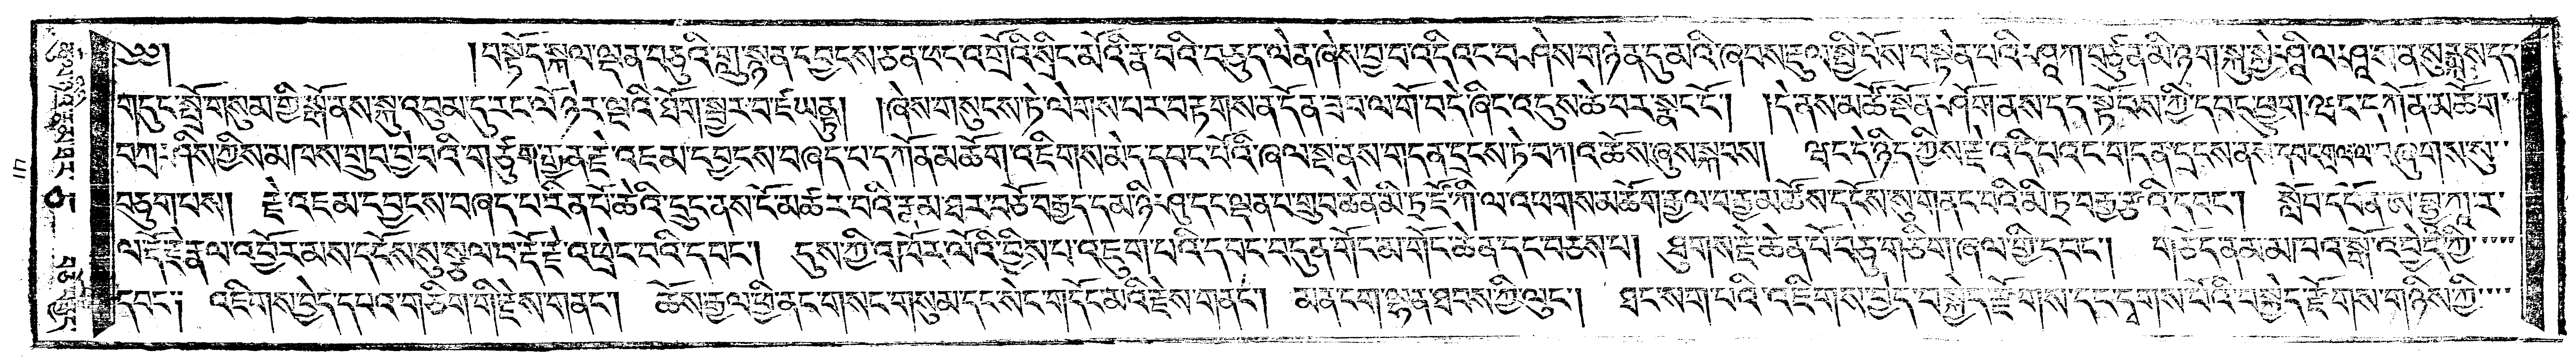༄༅། །བསྟོད་སྐལ་ལྡན་བཅུའི་གླུ་སྙན་དབྱངས་ཅན་ཕང་འགྲོའི་སྲིང་མོའི་རྣ་བའི་བཅུད་ལེན་ཞེས་བྱ་བ་འདིའང་བཤེས་གཉེན་དུ་མའི་ཞབས་རྡུལ་སྤྱི་བོས་བསྟེན་པའི་ཤཱཀ་བཙུན་མི་ཉག་སྐུ་སྐྱེ་ཤཱི་ལ་ཤཱ་སན་སུ་རླླས?་དད་
གདུང་སྤྲོ་གསུམ་གྱི་སྒོ་ནས་སྐུ་འབུམ་དུ་རང་ལོ་ཉེར་ལྔའི་ཐོག་སྦྱར་བ་ཛཡནྟུ། །ཞེས་གསུངས་ཏེ་ལེགས་པར་བརྟགས་ན་དོན་ཟབ་ལ་གོ་བདེ་ཞིང་འདུས་ཆེ་བར་སྣང་ངོ། །དེ་ནས་མཚོ་སྔོན་ཤོག་ནས་དད་སྟོབས་ཀྱི་དབང་ཕྱུག་ཝང་དཀོན་མཆོག་
བཀྲ་ཤིས་ཀྱིས་མཁས་གྲུབ་བྱེ་བའི་གཙུག་རྒྱན་རྗེ་འཇམ་དབྱངས་བཞད་པ་དཀོན་མཆོག་འཇིགས་མེད་དབང་པོའི་ཞལ་སྔ་ནས་གདན་དྲངས་ཏེ་བཀའ་ཆོས་ཞུས་སྐབས། ཝང་དེ་ཉིད་ཀྱིས་རྗེ་འདི་པའང་གདན་དྲངས་ནས་དབང་གྲལ་ལ་བཞུགས་སུ་
བཅུག་པས། རྗེ་འཇམ་དབྱངས་བཞད་པ་རིན་པོ་ཆེའི་དྲུང་ནས་ངོ་མཚར་བའི་རྣམ་ཐར་བཅོ་བརྒྱད་དམ་ཉི་ཤུ་དང་ལྡན་པ་གྲུབ་ཆེན་མི་ཏྲ་ཛོ་ཀི་ལ་འཕགས་མཆོག་རྒྱལ་བ་རྒྱ་མཚོས་དངོས་སུ་གནང་བའི་མི་ཏྲ་བརྒྱ་རྩའི་དབང་། སློབ་དཔོན་ཨ་བྷྱཱ་ཀཱ་ར་
ལ་རྡོ་རྗེ་རྣལ་འབྱོར་མས་དངོས་སུ་སྩལ་བ་རྡོ་རྗེ་འཕྲེང་བའི་དབང་། དུས་ཀྱི་འཁོར་ལོའི་བྱིས་པ་འཇུག་པའི་དབང་བདུན་གོང་མ་གོང་ཆེན་དང་བཅས་པ། ཐུགས་རྗེ་ཆེན་པོ་བཅུ་གཅིག་ཞལ་གྱི་དབང་། གཅོད་ནམ་མཁའ་སྒོ་འབྱེད་ཀྱི་
དབང༑ འཇིགས་བྱེད་དཔའ་གཅིག་གི་རྗེས་གནང་། ཆོས་རྒྱལ་ཕྱི་ནང་གསང་གསུམ་དང་སེང་གདོང་མའི་རྗེས་གནང་། མན་ངག་ལྷན་ཐབས་ཀྱི་ལུང་། ཐང་སག་པའི་འཇིགས་བྱེད་བསྐྱེད་རྫོགས་དང་དྭགས་པོའི་བསྐྱེད་རྫོགས་གཉིས་ཀྱི་